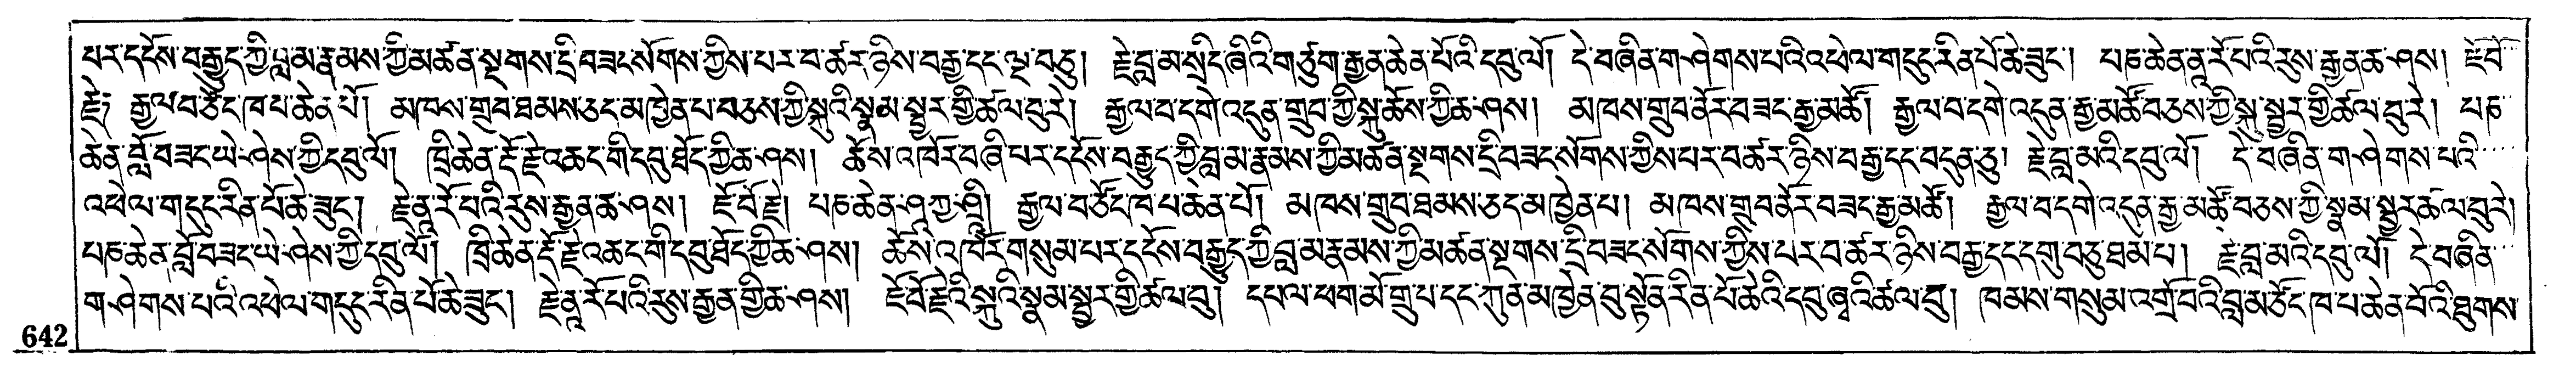པར་དངོས་བརྒྱུད་ཀྱི་བླ་མ་རྣམས་ཀྱི་མཚན་སྔགས་དྲི་བཟང་སོགས་ཀྱིས་པར་བ་ཚར་ཉིས་བརྒྱ་དང་ལྔ་བཅུ། རྗེ་བླ་མ་སྲིད་ཞིའི་གཙུག་རྒྱན་ཆེན་པོའི་དབུ་ལོ། དེ་བཞིན་གཤེགས་པའི་འཕེལ་གདུང་རིན་པོ་ཆེ་ཟུང་། པཎ་ཆེན་ནཱ་རོ་པའི་རུས་རྒྱན་ཆ་ཤས། ཇོ་བོ་
རྗེ༑ རྒྱལ་བ་ཙོང་ཁ་པ་ཆེན་པོ། མཁས་གྲུབ་ཐམས་ཅད་མཁྱེན་པ་བཅས་ཀྱི་སྐུའི་སྣམ་སྦྱར་གྱི་ཚལ་བུ་རེ། རྒྱལ་བ་དགེ་འདུན་གྲུབ་ཀྱི་སྐུ་ཆོས་ཀྱི་ཆ་ཤས། མཁས་གྲུབ་ནོར་བཟང་རྒྱ་མཚོ། རྒྱལ་བ་དགེ་འདུན་རྒྱ་མཚོ་བཅས་ཀྱི་སྐུ་སྦྱར་གྱི་ཚལ་བུ་རེ། པཎ་
ཆེན་བློ་བཟང་ཡེ་ཤེས་ཀྱི་དབུ་ལོ། ཁྲི་ཆེན་རྡོ་རྗེ་འཆང་གི་དབུ་ཐོད་ཀྱི་ཆ་ཤས། ཆོས་འཁོར་བཞི་པར་དངོས་བརྒྱུད་ཀྱི་བླ་མ་རྣམས་ཀྱི་མཚན་སྔགས་དྲི་བཟང་སོགས་ཀྱིས་པར་བ་ཚར་ཉིས་བརྒྱ་དང་བདུན་ཅུ། རྗེ་བླ་མའི་དབུ་ལོ། དེ་བཞིན་གཤེགས་པའི་
འཕེལ་གདུང་རིན་པོ་ཆེ་ཟུང་། རྗེ་ནཱ་རོ་པའི་རུས་རྒྱན་ཆ་ཤས། ཇོ་བོ་རྗེ། པཎ་ཆེན་ཤཱཀྱ་ཤྲཱི། རྒྱལ་པ་ཙོང་ཁ་པ་ཆེན་པོ། མཁས་གྲུབ་ཐམས་ཅད་མཁྱེན་པ། མཁས་གྲུབ་ནོར་བཟང་རྒྱ་མཚོ། རྒྱལ་བ་དགེ་འདུན་རྒྱ་མཚོ་བཅས་ཀྱི་སྣམ་སྦྱར་ཚལ་བུ་རེ།
པཎ་ཆེན་བློ་བཟང་ཡེ་ཤེས་ཀྱི་དབུ་ལོ། ཁྲི་ཆེན་རྡོ་རྗེ་འཆང་གི་དབུ་ཐོད་ཀྱི་ཆ་ཤས། ཆོས་འཁོར་གསུམ་པར་དངོས་བརྒྱུད་ཀྱི་བླ་མ་རྣམས་ཀྱི་མཚན་སྔགས་དྲི་བཟང་སོགས་ཀྱིས་པར་བ་ཚར་ཉིས་བརྒྱ་དང་དགུ་བཅུ་ཐམ་པ། རྗེ་བླ་མའི་དབུ་ལོ། དེ་བཞིན་
གཤེགས་པའི་འཕེལ་གདུང་རིན་པོ་ཆེ་ཟུང་། རྗེ་ནཱ་རོ་པའི་རུས་རྒྱན་གྱི་ཆ་ཤས། ཇོ་བོ་རྗེའི་སྐུའི་སྣམ་སྦྱར་གྱི་ཚལ་བུ། དཔལ་ཕག་མོ་གྲུ་པ་དང་ཀུན་མཁྱེན་བུ་སྟོན་རིན་པོ་ཆེའི་དབུ་ཞྭའི་ཚལ་བུ། ཁམས་གསུམ་འགྲོ་བའི་བླ་མ་ཙོང་ཁ་པ་ཆེན་པོའི་ཐུགས་